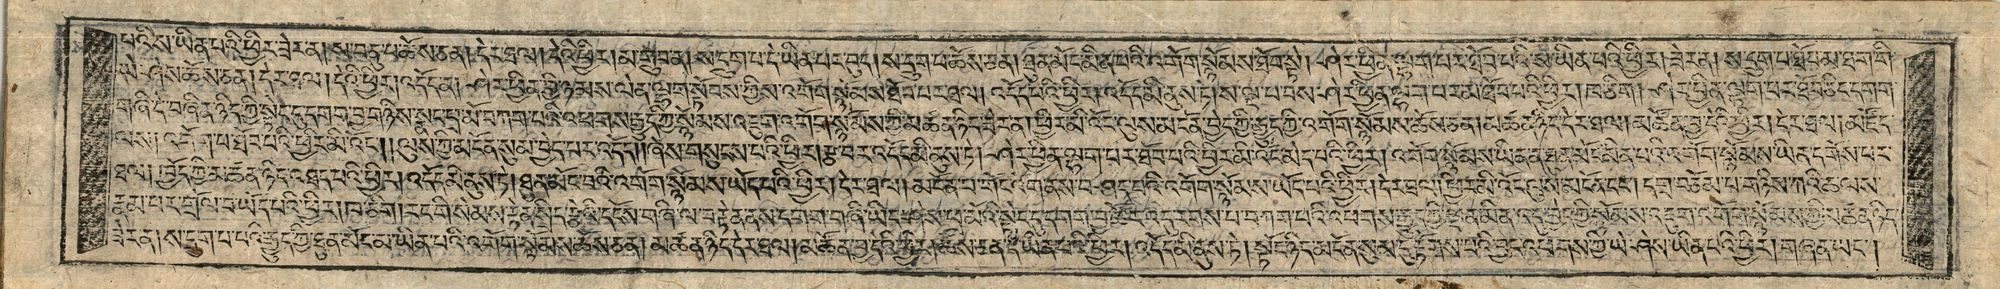པའི་ས་ཡིན་པའི་ཕྱིར་ཟེར་ན། ས་བཅུ་པ་ཆོས་ཅན། དེར་ཐལ། དེའི་ཕྱིར། མ་གྲུབ་ན། ས་དྲུག་པ་དེ་ཡིན་པར་བུད། ས་དྲུག་པ་ཆོས་ཅན། ཐུན་མོང་མིན་པའི་འགོག་སྙོམས་ཐོབ་སྟེ། ཤེར་ཕྱིན་ལྷག་པར་ཐོབ་པའི་ས་ཡིན་པའི་ཕྱིར། ཟེར་ན། ས་དྲུག་པ་ཐོབ་མ་ཐག་གི་
ཡེ་ཤེས་ཆོས་ཅན། དེར་ཐལ། དེའི་ཕྱིར། འདོད་ན། ཤེར་ཕྱིན་གྱི་ཉམས་ལེན་ལྷག་སྟོབས་ཀྱིས་འགོག་སྙོམས་ཐོབ་པར་ཐལ། འདོད་པའི་ཕྱིར། འདོད་མི་ནུས་ཏེ། ས་ལྔ་པ་བས་ཤེར་ཕྱིན་ལྷག་པར་མ་ཐོབ་པའི་ཕྱིར། ཁ་ཅིག ། ཤེར་ཕྱིན་ལྷག་པར་ཐོབ་ཅིང་དགག་
གཞི་དེ་བཞིན་ཉིད་ཀྱི་སྟེང་དུ་དགག་བྱ་གཉིས་སྣང་ཕྲ་མོ་བཀག་པའི་འཕགས་རྒྱུད་ཀྱི་སྙོམས་འཇུག་འགོག་སྙོམས་ཀྱི་མཚན་ཉིད་ཟེར་ན། ཕྱིར་མི་འོང་ལུས་མངོན་བྱེད་ཀྱི་རྒྱུད་ཀྱི་འགོག་སྙོམས་ཆོས་ཅན། མཚན་ཉིད་དེར་ཐལ། མཚོན་བྱ་དེའི་ཕྱིར། དེར་ཐལ། མཛོད་
ལས། འགོག་པ་ཐོབ་པའི་ཕྱིར་མི་འོང་། །ལུས་ཀྱི་མངོན་སུམ་བྱེད་པར་འདོད། །ཞེས་གསུངས་པའི་ཕྱིར། རྩ་བར་འདོད་མི་ནུས་ཏེ། ཤེར་ཕྱིན་ལྷག་པར་ཐོབ་པའི་ཕྱིར་མི་འོང་མེད་པའི་ཕྱིར། འགོག་སྙོམས་ཡིན་ན་ཐུན་མོང་མིན་པའི་འགོག་སྙོམས་ཡིན་དགོས་པར་
ཐལ། ཁྱོད་ཀྱི་མཚན་ཉིད་འཐད་པའི་ཕྱིར། འདོད་མི་ནུས་ཏེ། ཐུན་མོང་བའི་འགོག་སྙོམས་ཡོད་པའི་ཕྱིར། དེར་ཐལ། མངོན་པ་གོང་འོག་ནས་བཤད་པའི་འགོག་སྙོམས་ཡོད་པའི་ཕྱིར། དེར་ཐལ། ཕྱིར་མི་འོང་ལུས་མངོན་དང་། དགྲ་བཅོམ་པ་གཉིས་ཀའི་ཆ་ལས་
རྣམ་པར་གྲོལ་བ་ཡོད་པའི་ཕྱིར། ཁ་ཅིག ། རང་གི་སེམས་རྟེན་སྲིད་རྩེའི་དངོས་གཞི་ལ་བརྟེན་ནས་དགག་གཞི་ཡིད་ཤེས་ཕྲ་མོའི་སྟེང་དུ་དགག་བྱ་ཚོར་འདུ་རགས་པ་བཀག་པའི་འཕགས་རྒྱུད་ཀྱི་ལྡན་མིན་འདུ་བྱེད་ཀྱི་སྙོམས་འཇུག་འགོག་སྙོམས་ཀྱི་མཚན་ཉིད་
ཟེར་ན། ས་དྲུག་པ་བའི་རྒྱུད་ཀྱི་ཐུན་མོང་མ་ཡིན་པའི་འགོག་སྙོམས་ཆོས་ཅན། མཚན་ཉིད་དེར་ཐལ། མཚོན་བྱ་དེའི་ཕྱིར། ཆོས་ཅན་དེ་ཡིན་པའི་ཕྱིར། འདོད་མི་ནུས་ཏེ། སྟོང་ཉིད་མངོན་སུམ་དུ་རྟོགས་པའི་བྱང་འཕགས་ཀྱི་ཡེ་ཤེས་ཡིན་པའི་ཕྱིར། གཞན་ཡང་།